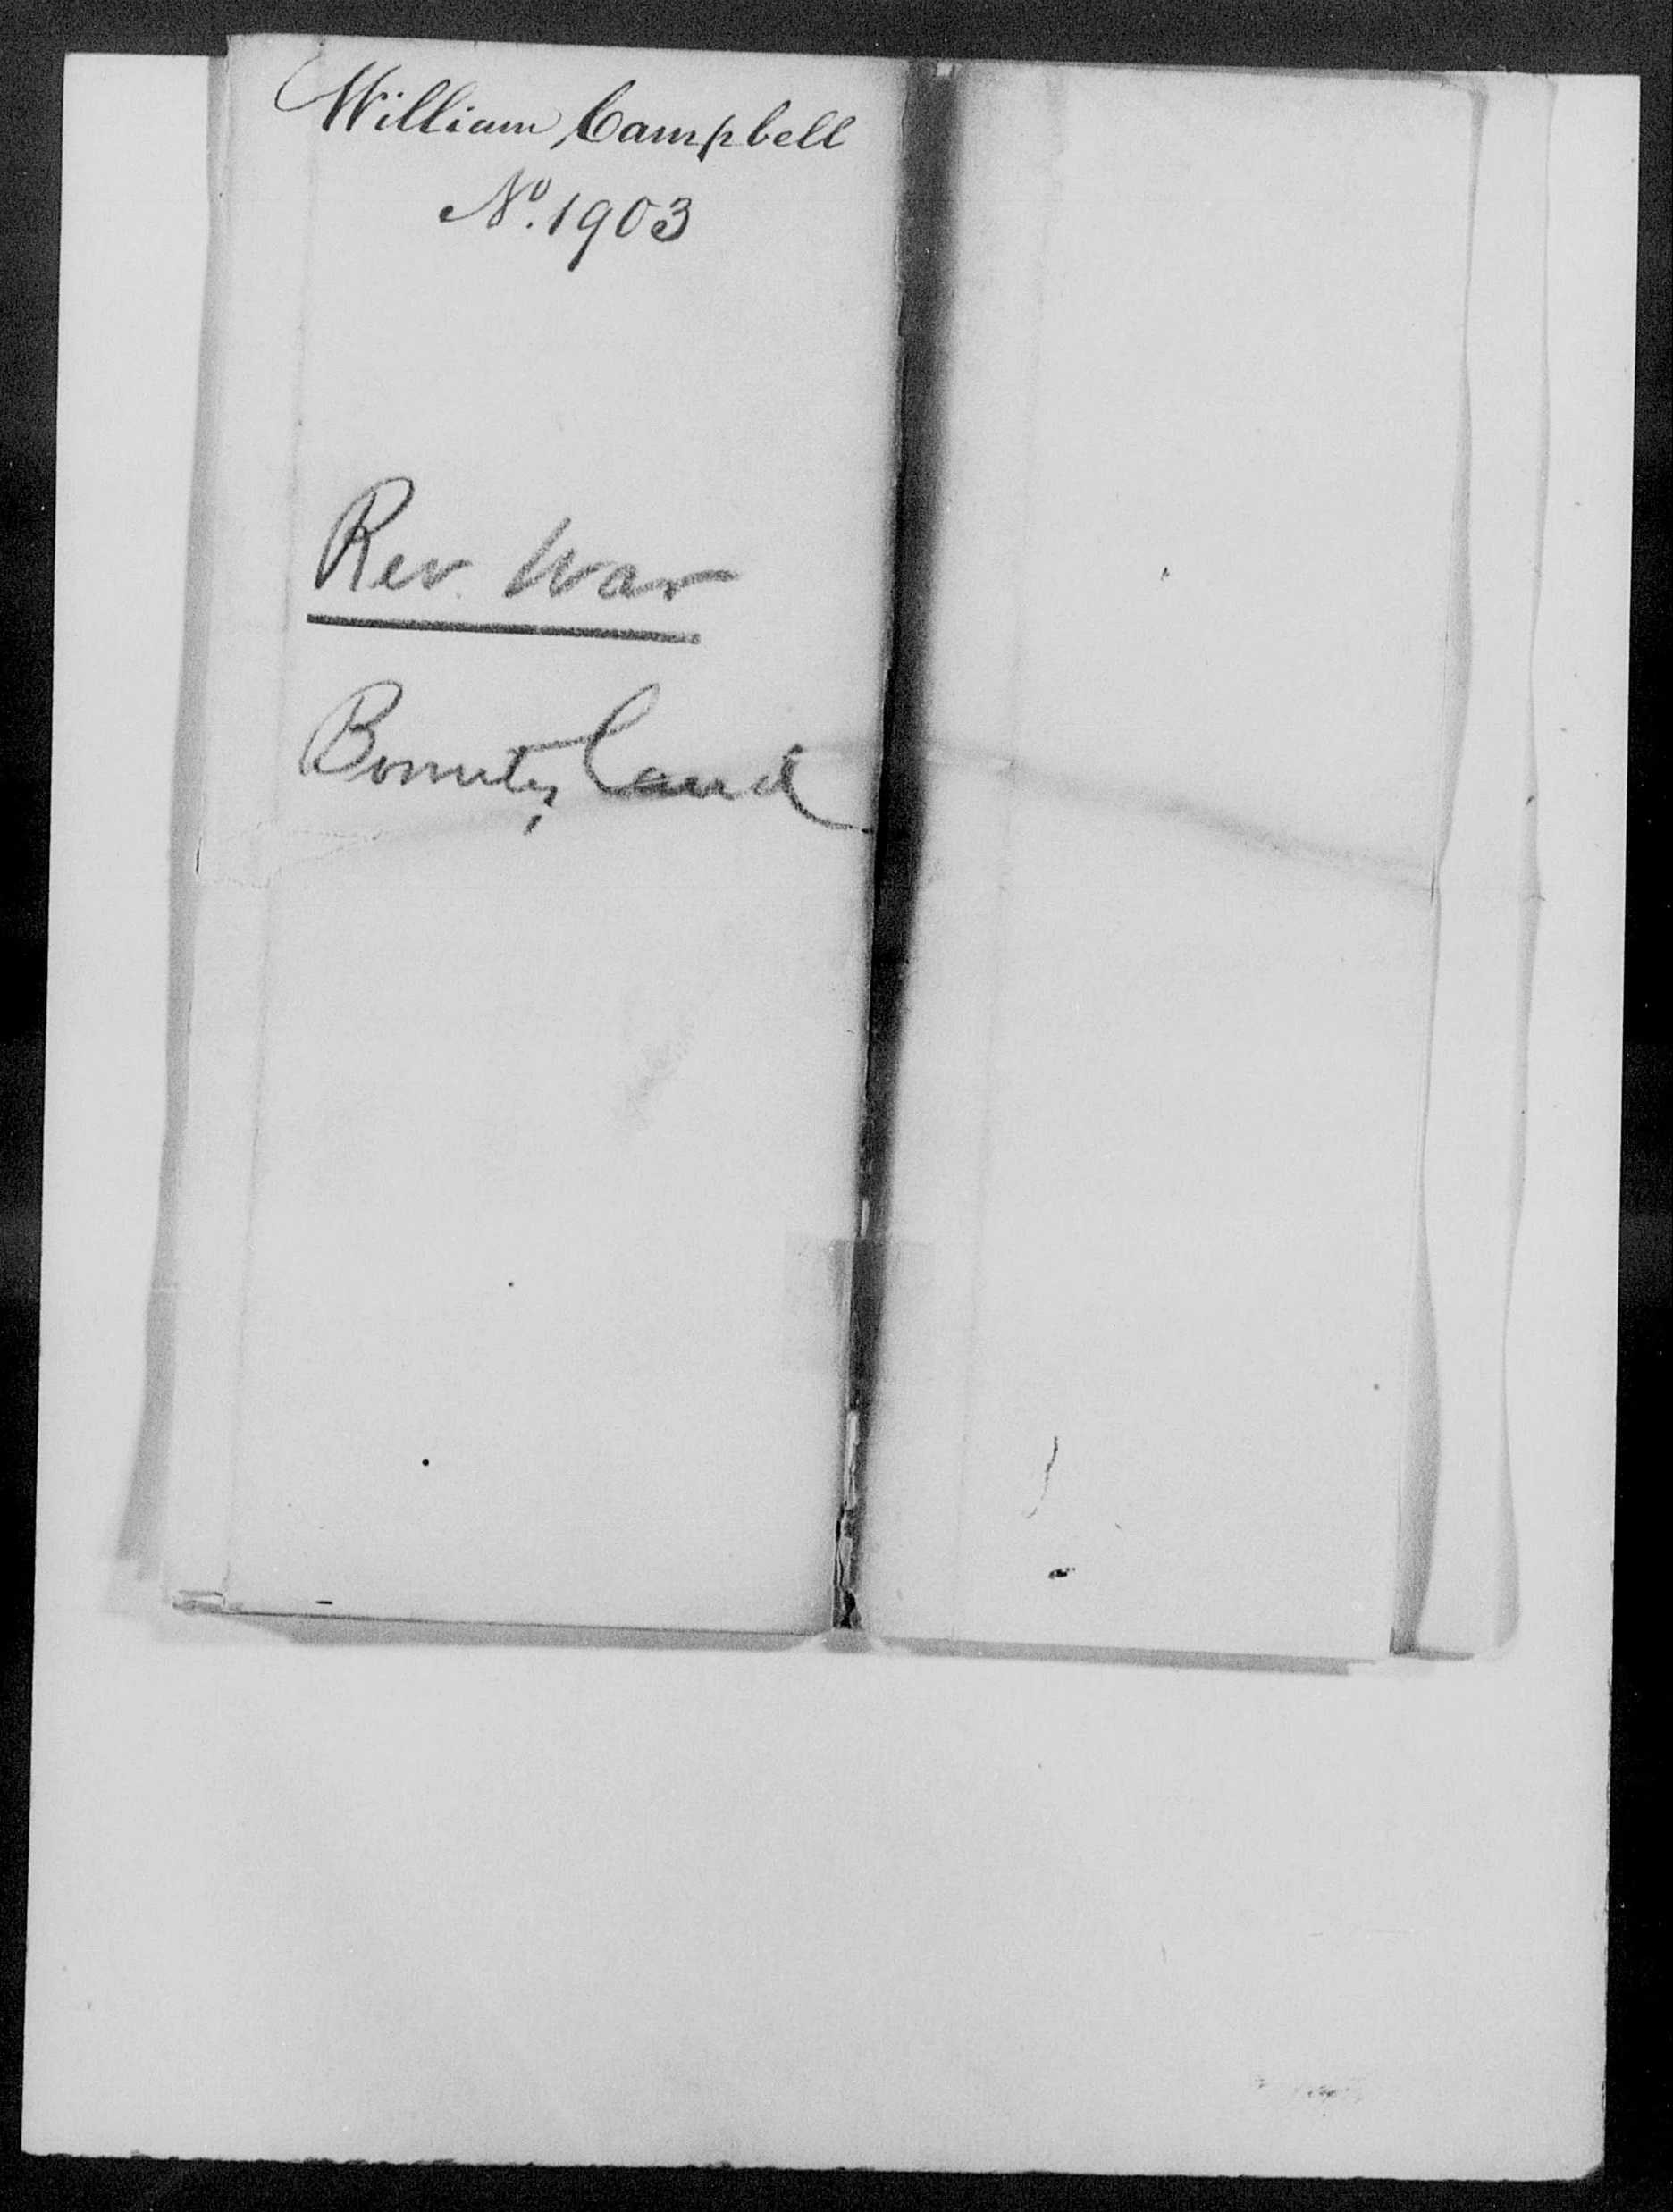William Campbell
No. 1903


Rev War [underlined]

Bounty land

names: William Campbell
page: 23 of 267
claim: widow's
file: W. 4,149, William Campbell, Va.